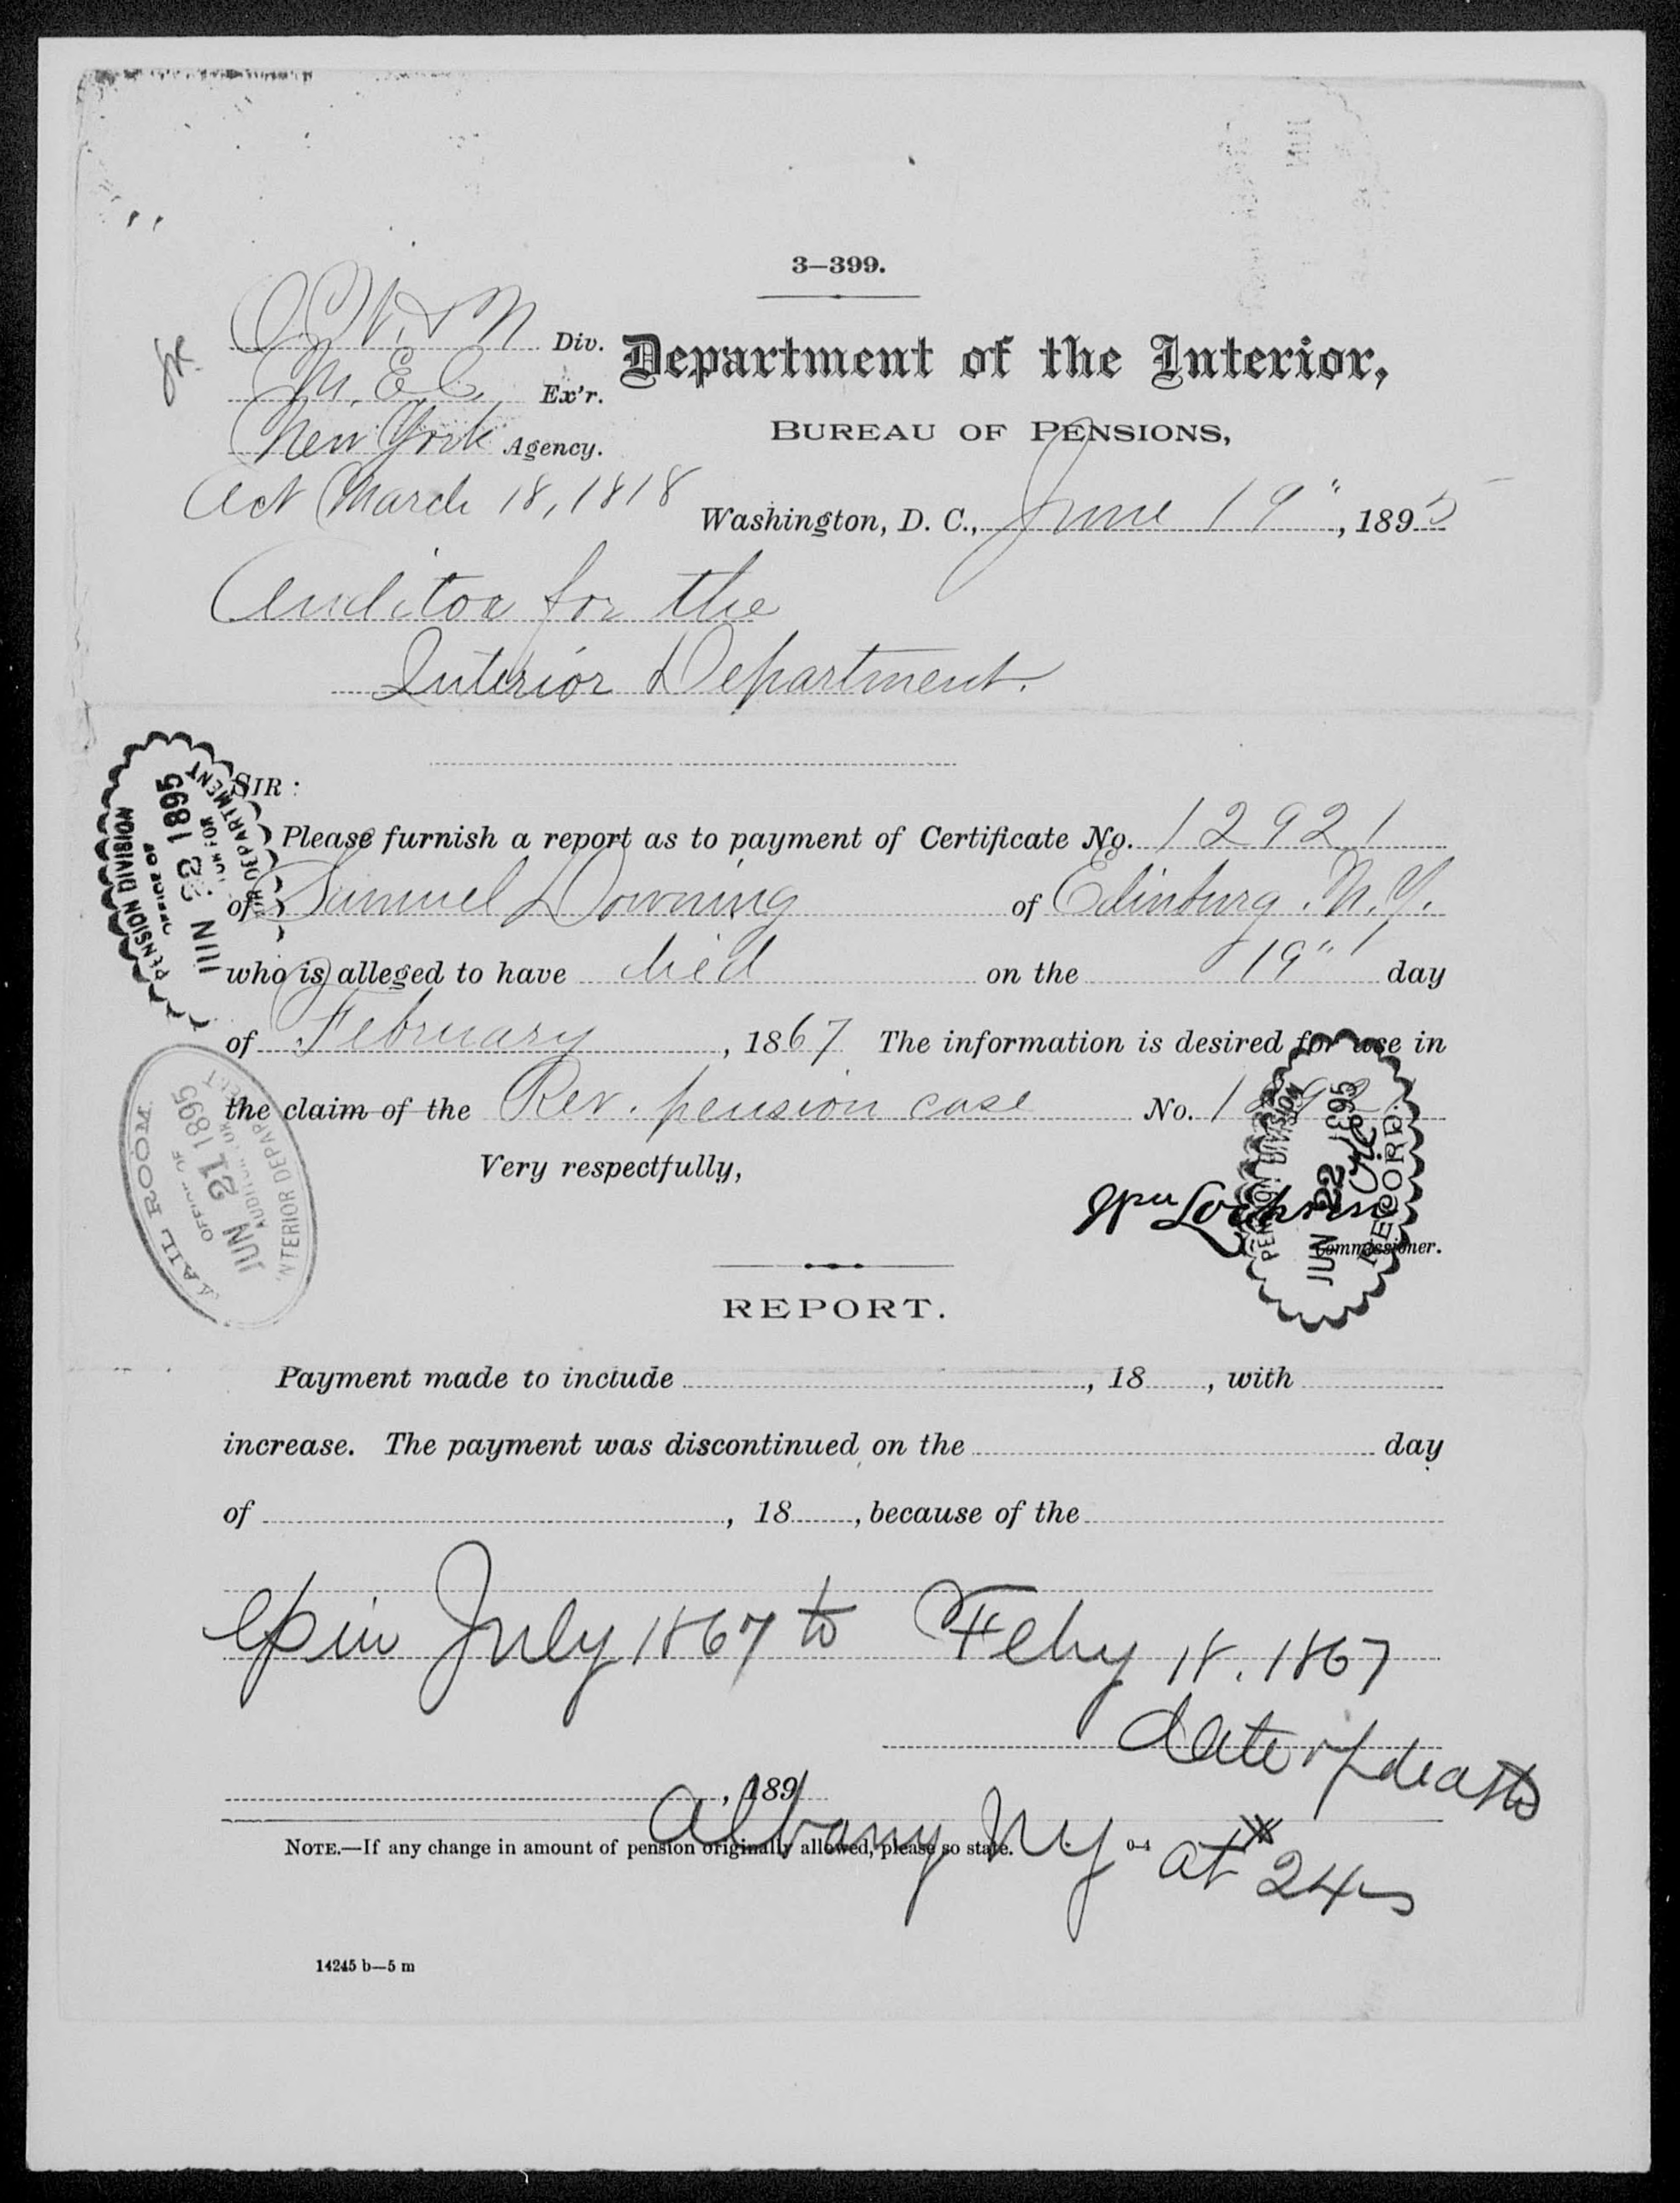ON.TN Div.
N.El Ex’r.
New York Agency.
Act March 18, 1818
Department of the Interior,

BUREAU OF PENSIONS,
Washington, D.C., June 19, 1895

Auditor for the Interior Department 
[Stamp imprint for Pension Department - 3] P

SIR:
Please furnish a report as to payment of Certificate No. 12921 Samuel Downing of Edinburgh N.Y. who is alleged to have died on the 19th day of February, 1867 The information is desired for use in the claim of the  Rev. pension case No. 12921
Very respectfully, 
(Signature illegible)
Commissioner

REPORT
Payment made to include _____18, with _____ increase. The payment was discontinued on the _____day of , 18____, because of the 
(?) in July 1867 to Feby 18 1867 date of death 189 Albany NY at 24

NOTE - If any change in amount of pension originally allowed, please so state. 9-4
14245-b m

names: Wm Lochren, Samuel Downing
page: 17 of 56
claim: survivor's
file: S. 40,055, Samuel Downing, N.H.